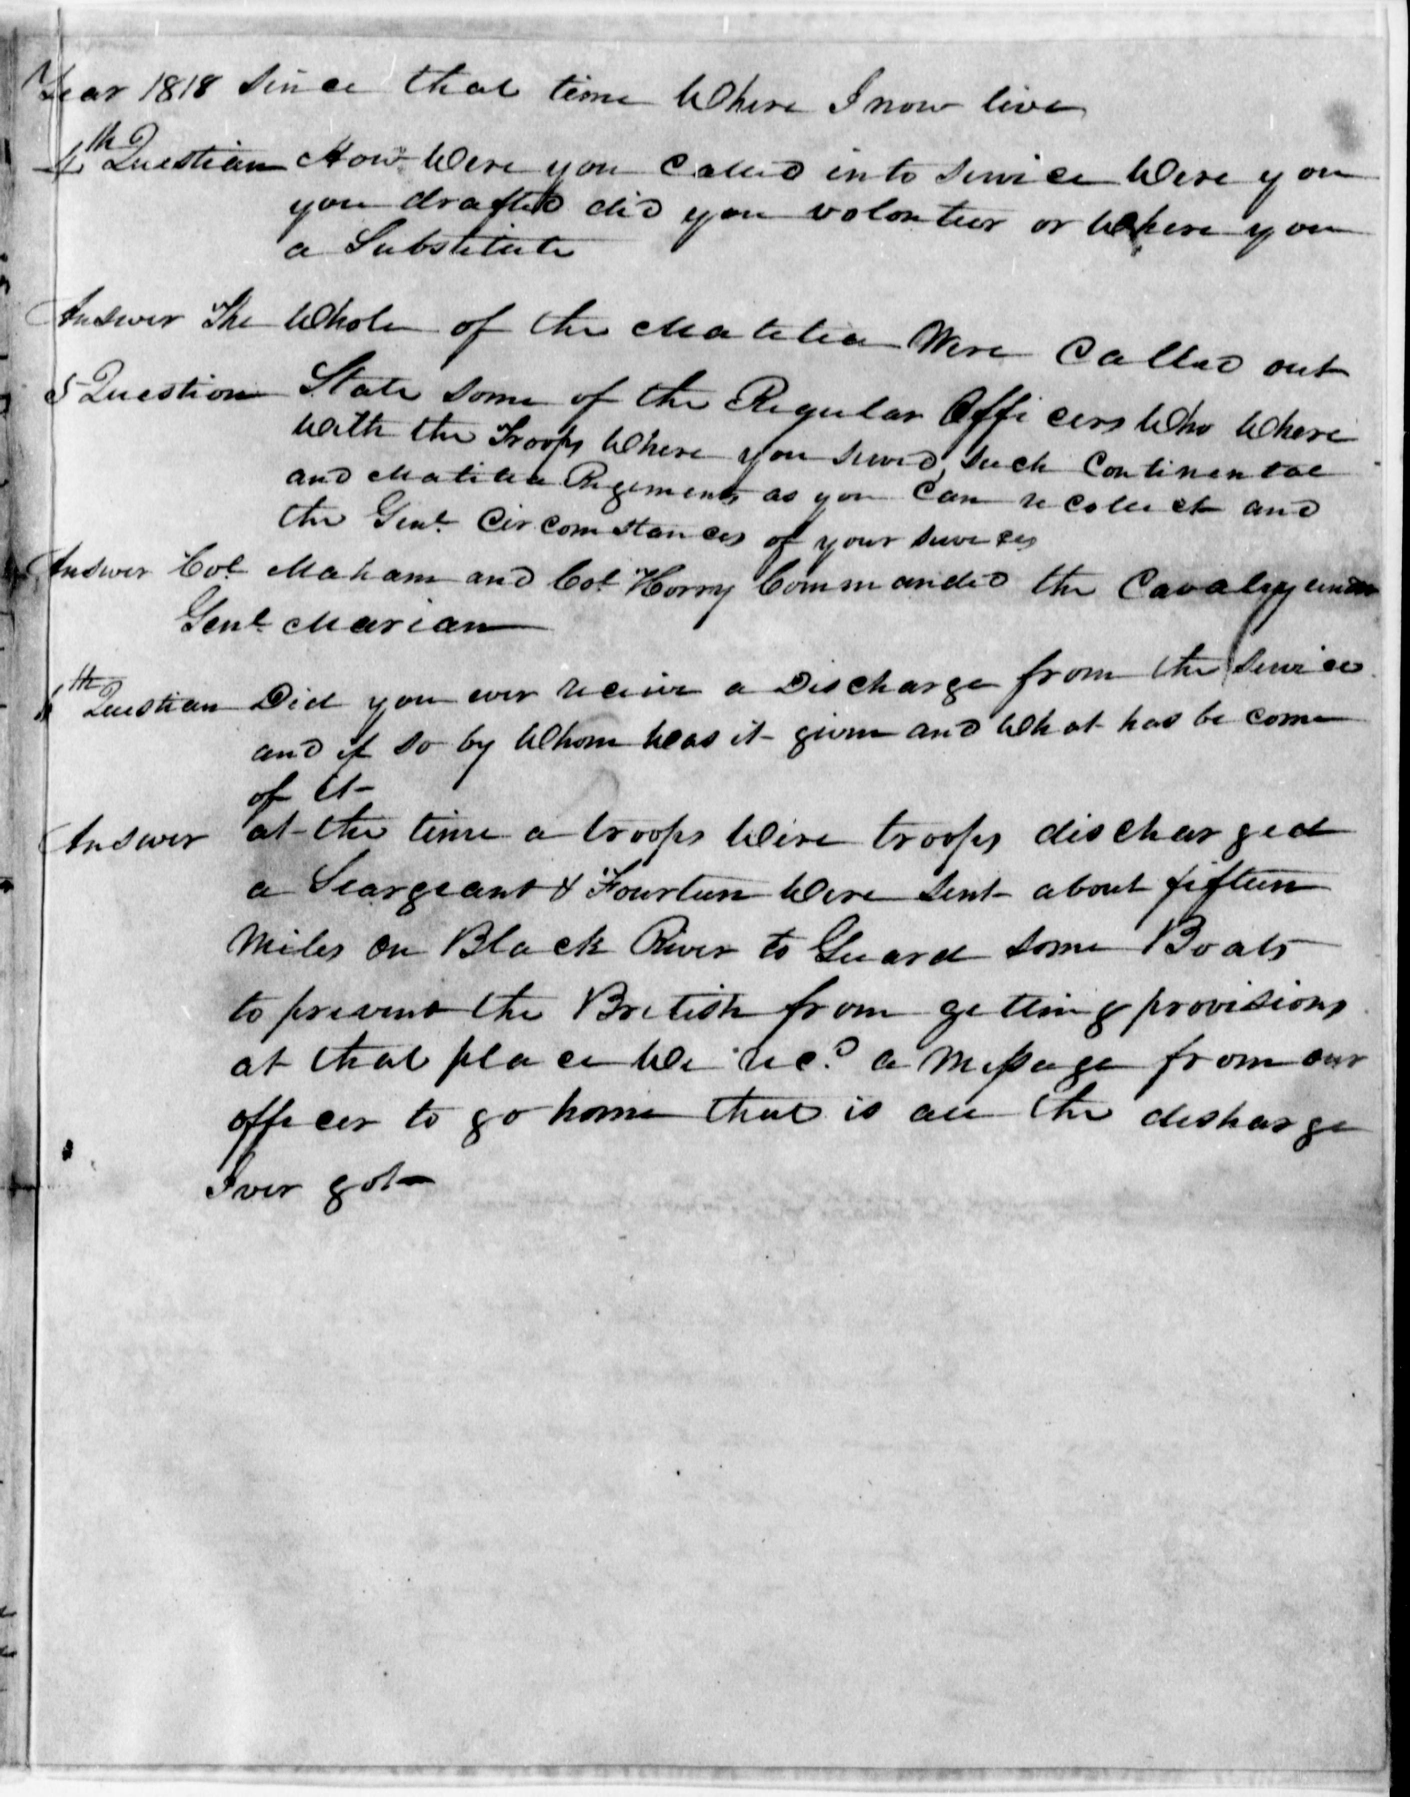year 1818 since that time where I now live
4th Question How were you called into service were you you drafted did
you volunteer or where you a substitute
Answer The whole of the Malitia were called out
5 Question State some of the Regular Officers who were with the troops where you served, such Continental and Malitia Regiments as you can recollect and the Genl. Circumstances of your services
Answer Col. Maham and Col. Horry Commanded the Cavalry under Genl. Marian
6th Question Did you ever receive a Discharge from the service and if so by whom was it given and what has become of it
Answer at the time a troops were troops discharged a Seargeant & Fourteen were sent about fifteen miles on Black River to Guard Some Boats to prevent the British from getting provisions at that place we recd. a message from our officer to go home that is all the disharge I ever got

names: Horry, Maham, Marian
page: 6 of 38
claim: survivor's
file: S. 30. 239, William Abbott, S.C.